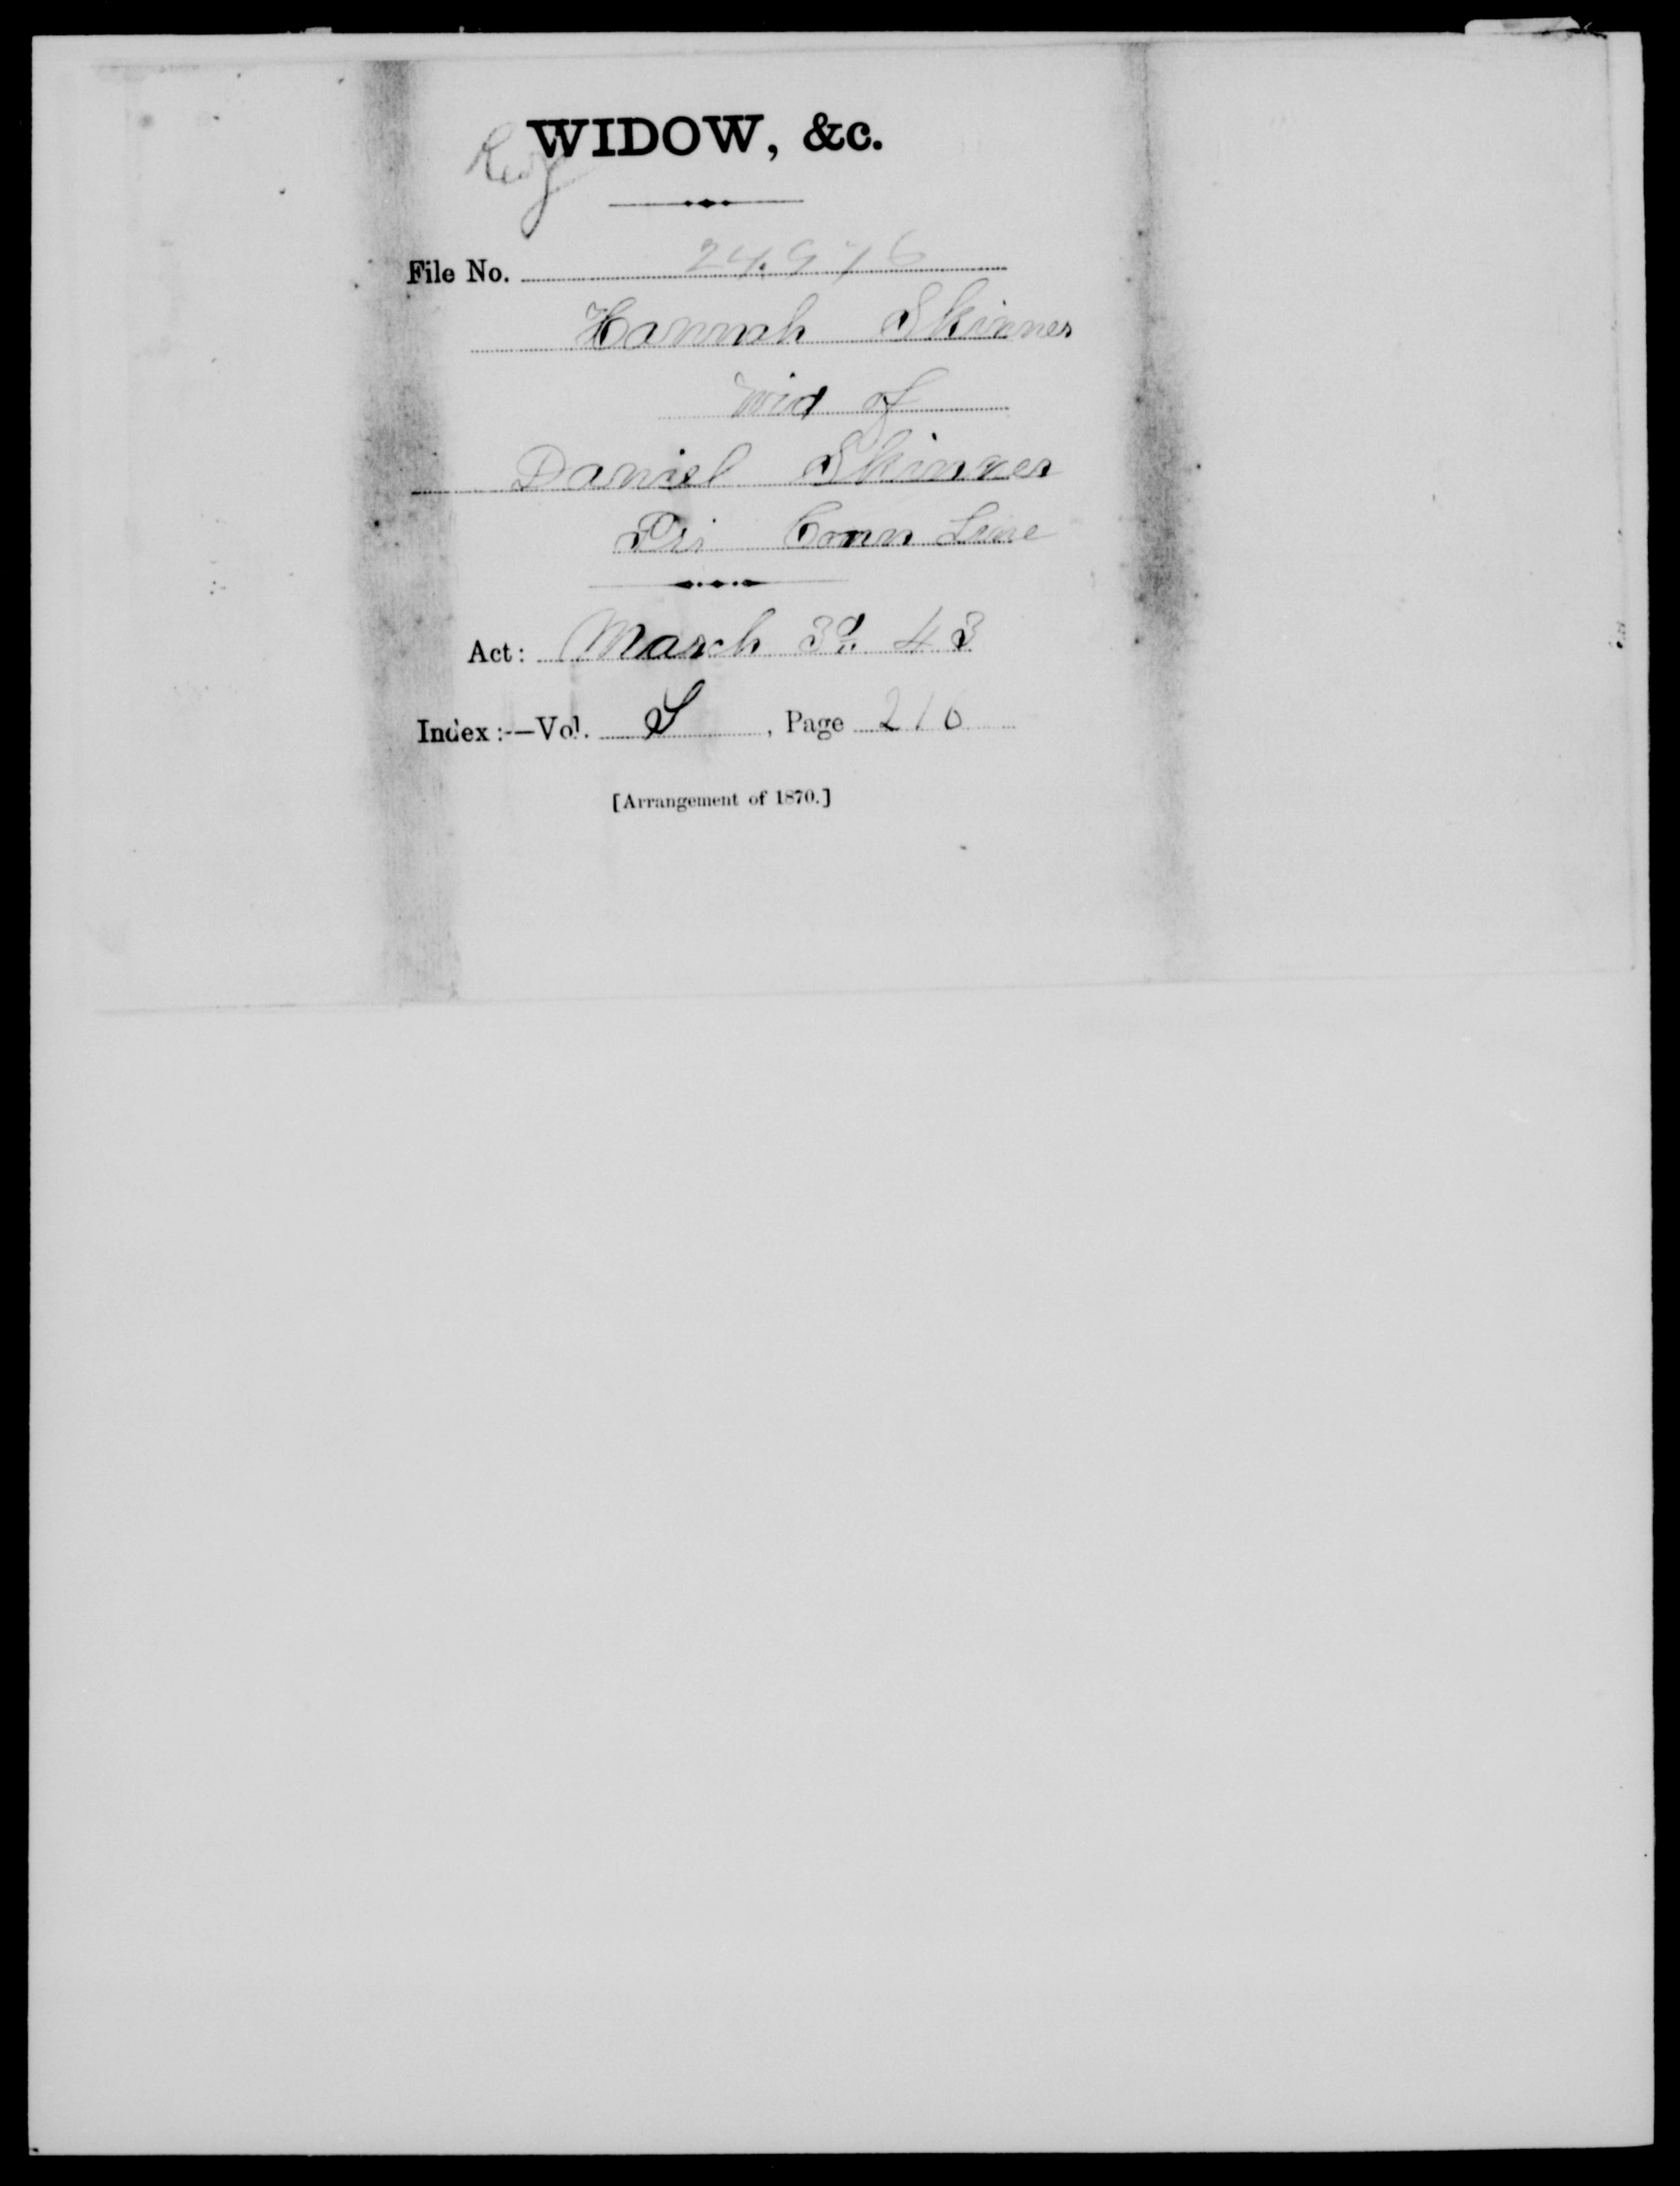Revy. WIDOW, &c.

File No. 24.976
Hannah Skinner 
wid of 
Daniel Skinner
Priv. Conn. Line
Act: March 3d, 43
Index:--Vol. L, Page 216

(Arrangement of 1870)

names: Daniel Skinner; Hannah Skinner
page: 14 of 46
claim: widow's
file: W. 24976, for Daniel Skinner, New Hampshire